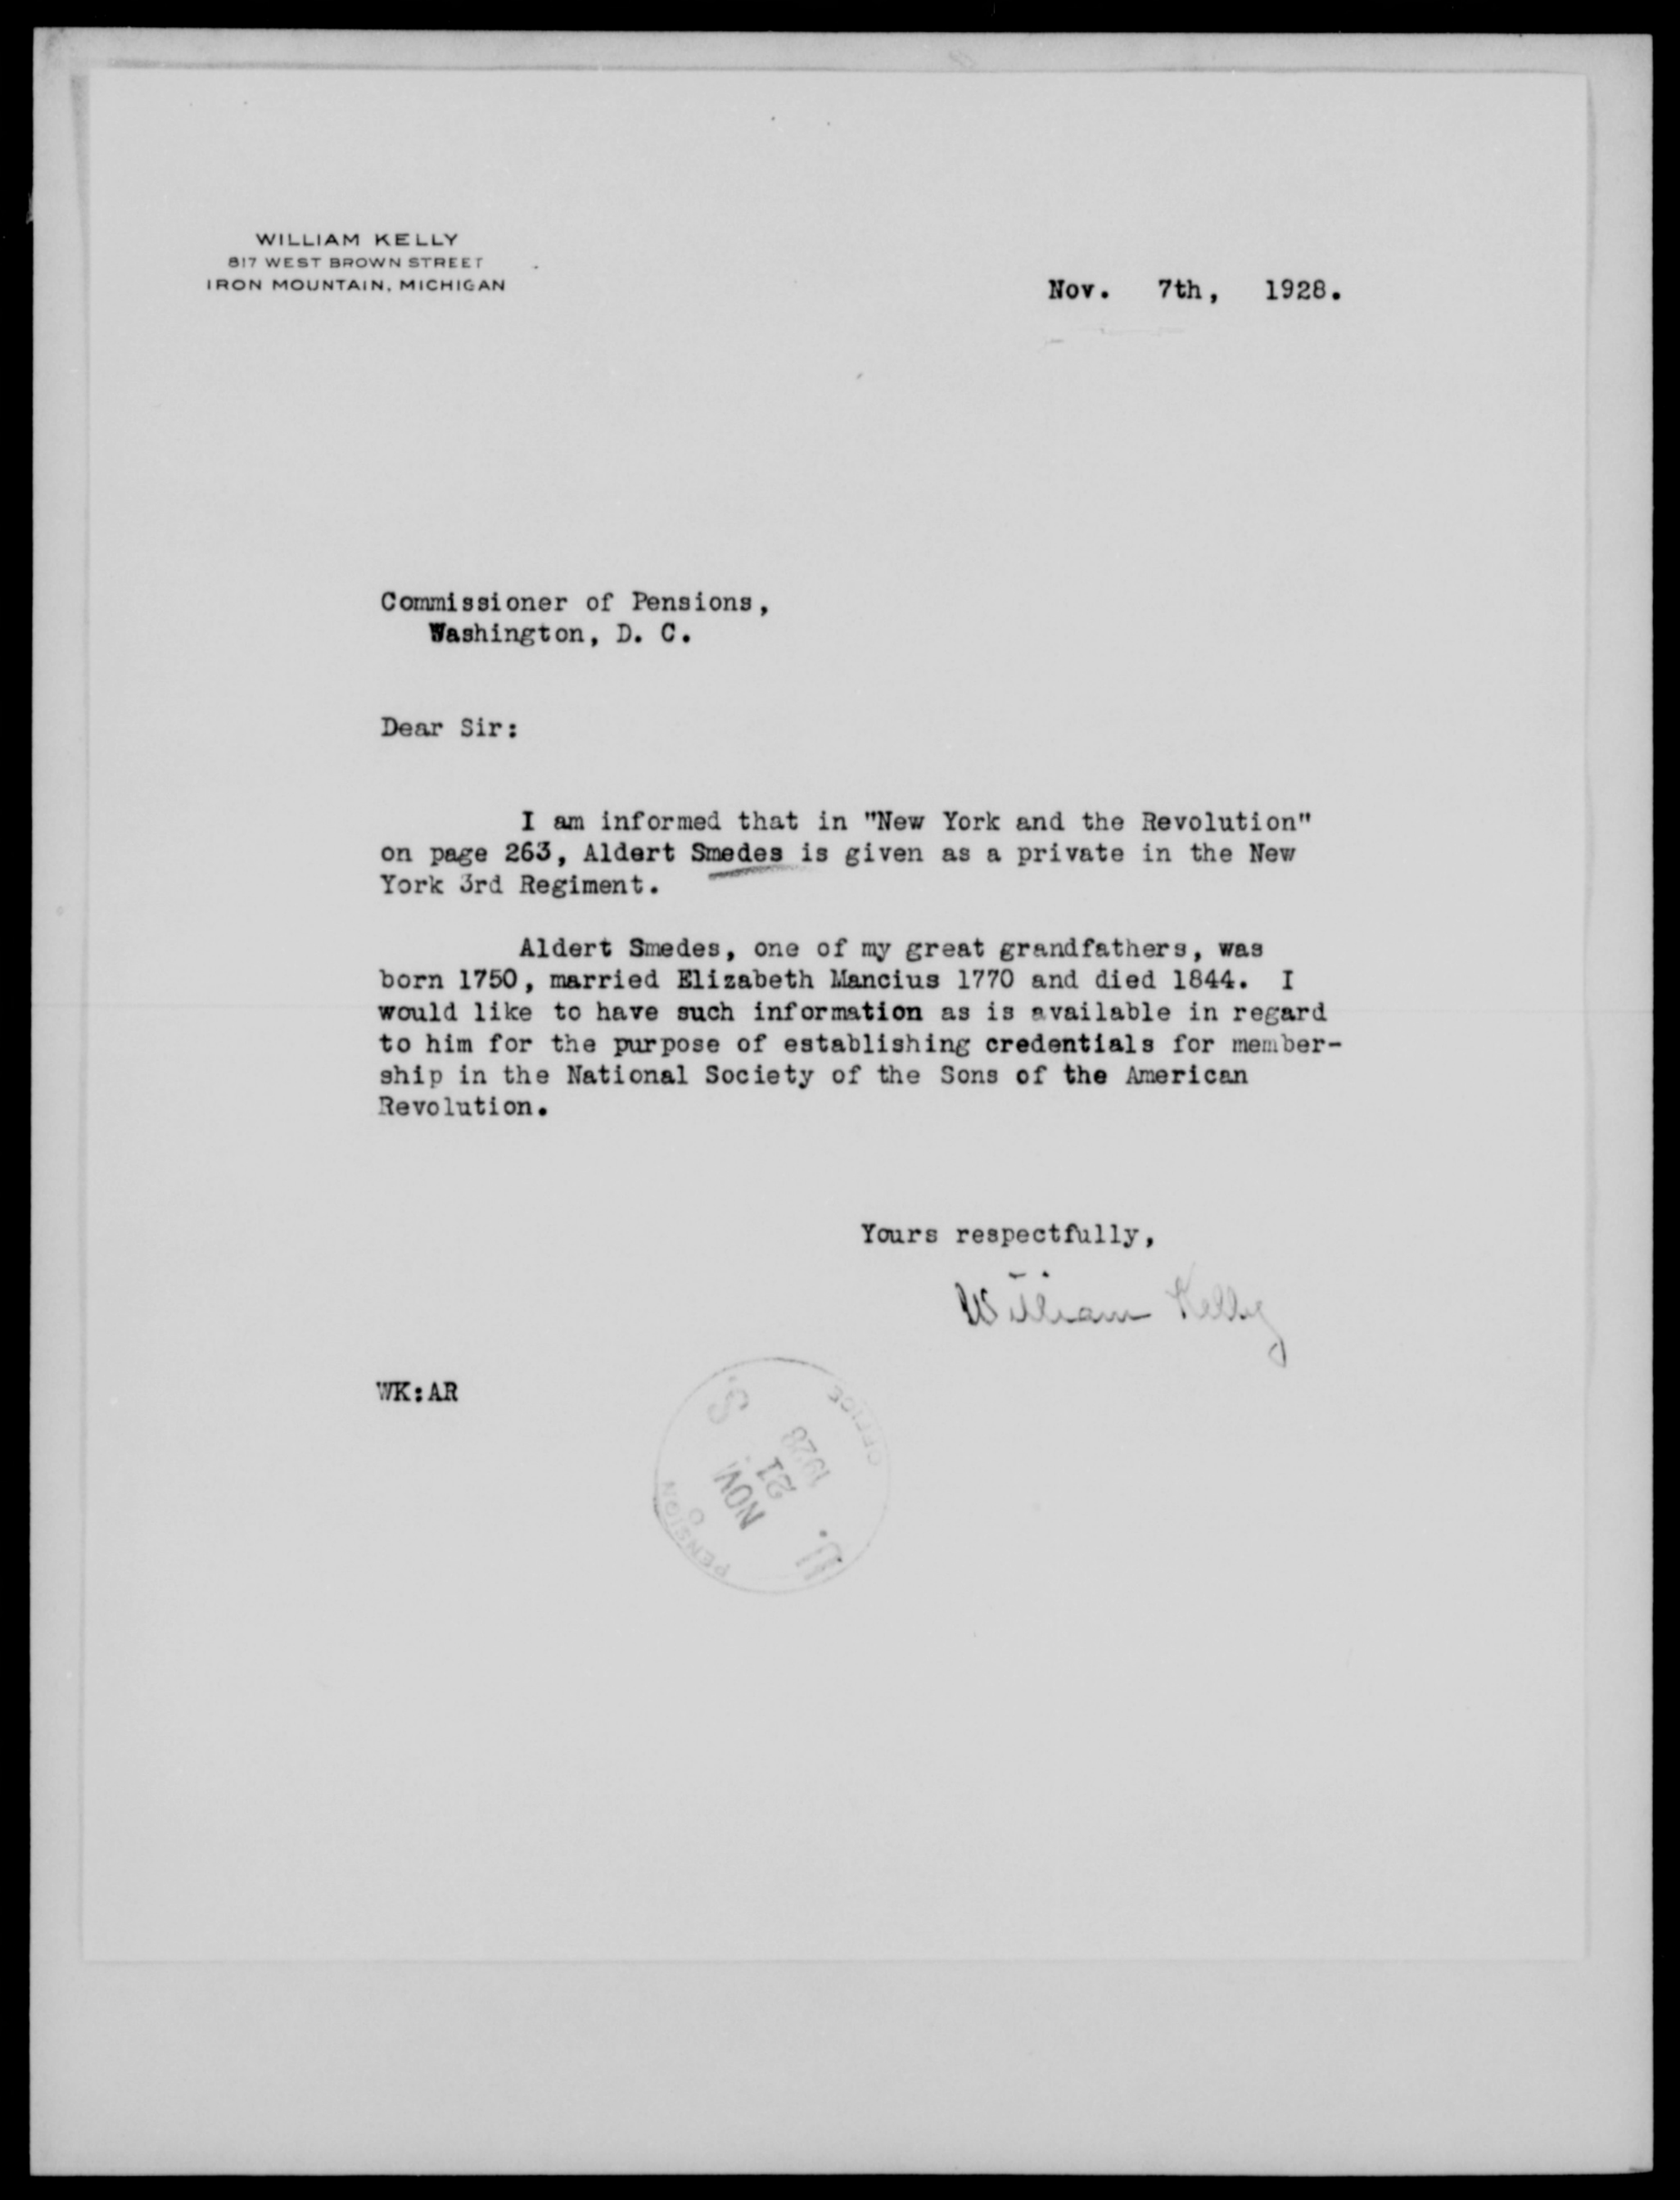William Kelly
817 West Brown Street
Iron Mountain, Michigan

Commissioner of Pensions,
Washington, D. C.

Nov. 7th, 1928.

Dear Sir:

I am informed that in "New York and the Revolution" on page 263, Aldert Smedes is given as a private in the New York 3rd Regiment.
Aldert Smedes, one of my great grandfathers, was born 1750, married Elizabeth Mancius 1770 and died 1844. I would like to have such information as is available in regard to him for the purpose of establishing credentials for membership in the National Society of the Sons of the American Revolution.

Yours respectfully,
William Kelly

WK:AR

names: William Kelly; Aldert Smedes; Aldert Smedes; William Kelly; Elizabeth Mancius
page: 20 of 29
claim: survivor's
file: S. 11415, for Aldert Smedes, New York